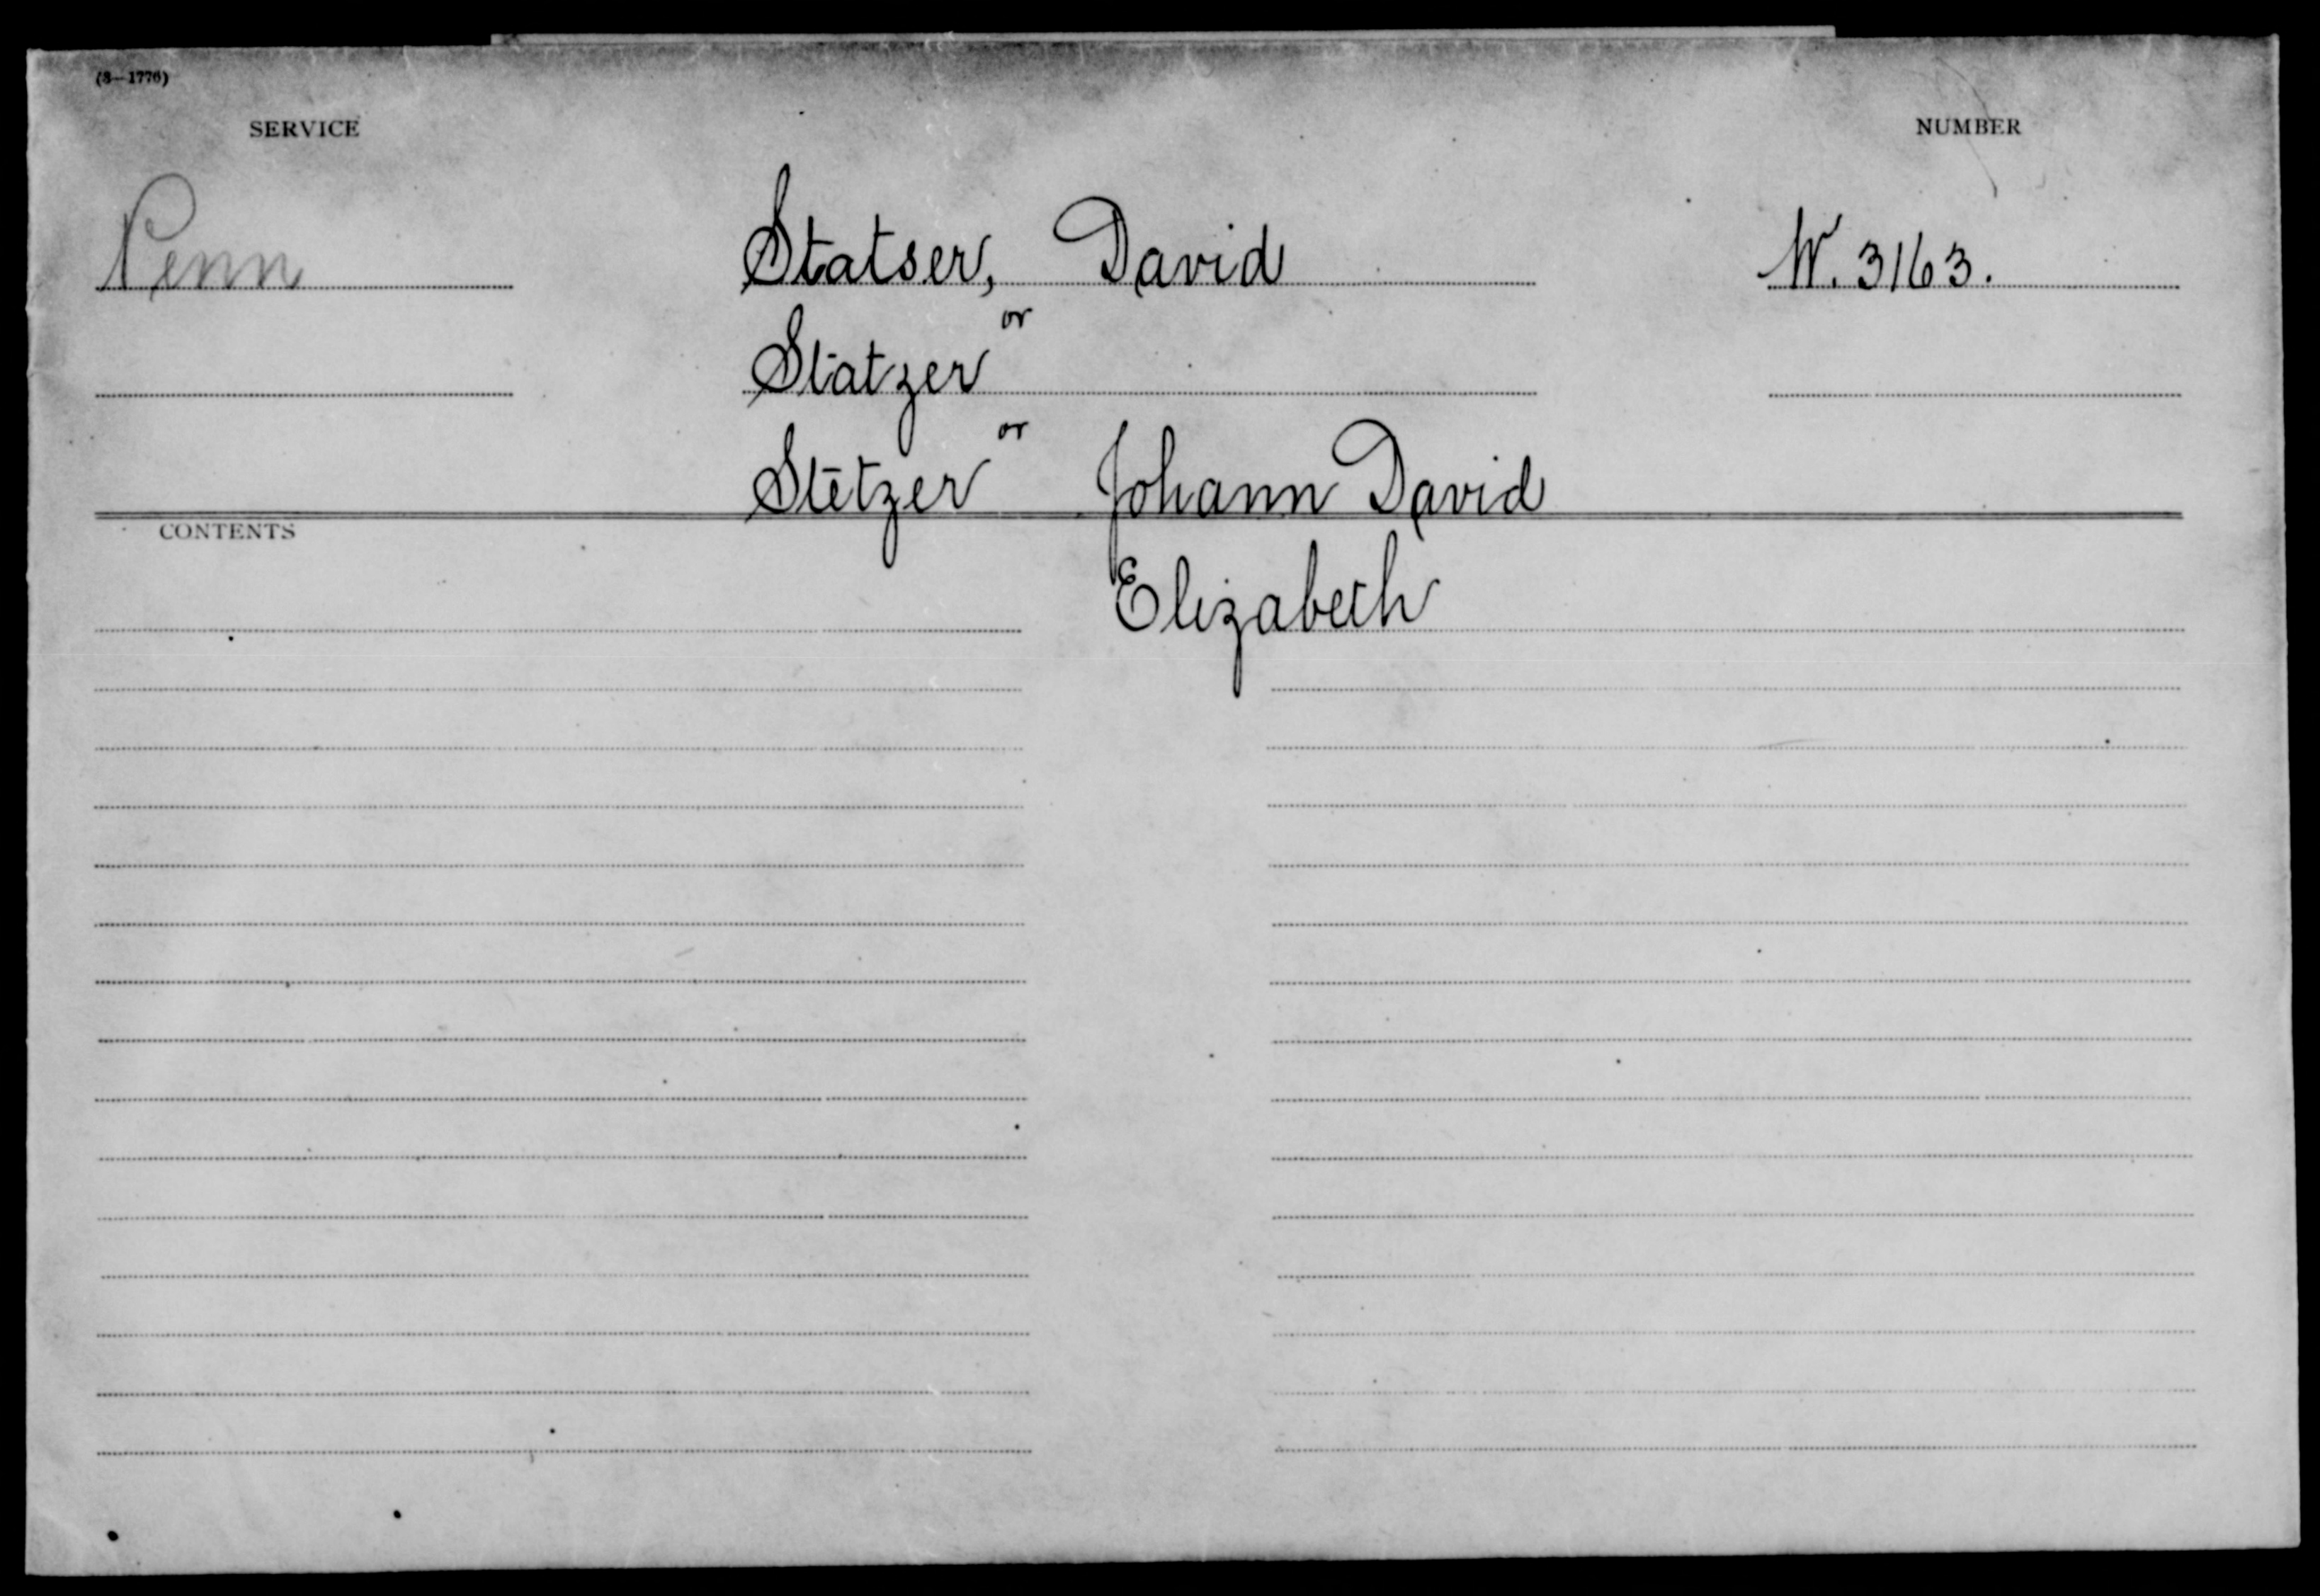SERVICE
Penn
Statser, David or Statzer or Stetzer, Johann David
Elizabeth
NUMBER
W. 3163.
CONTENTS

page: 1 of 28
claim: widow's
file: W. 3163, for David Statser, Pennsylvania